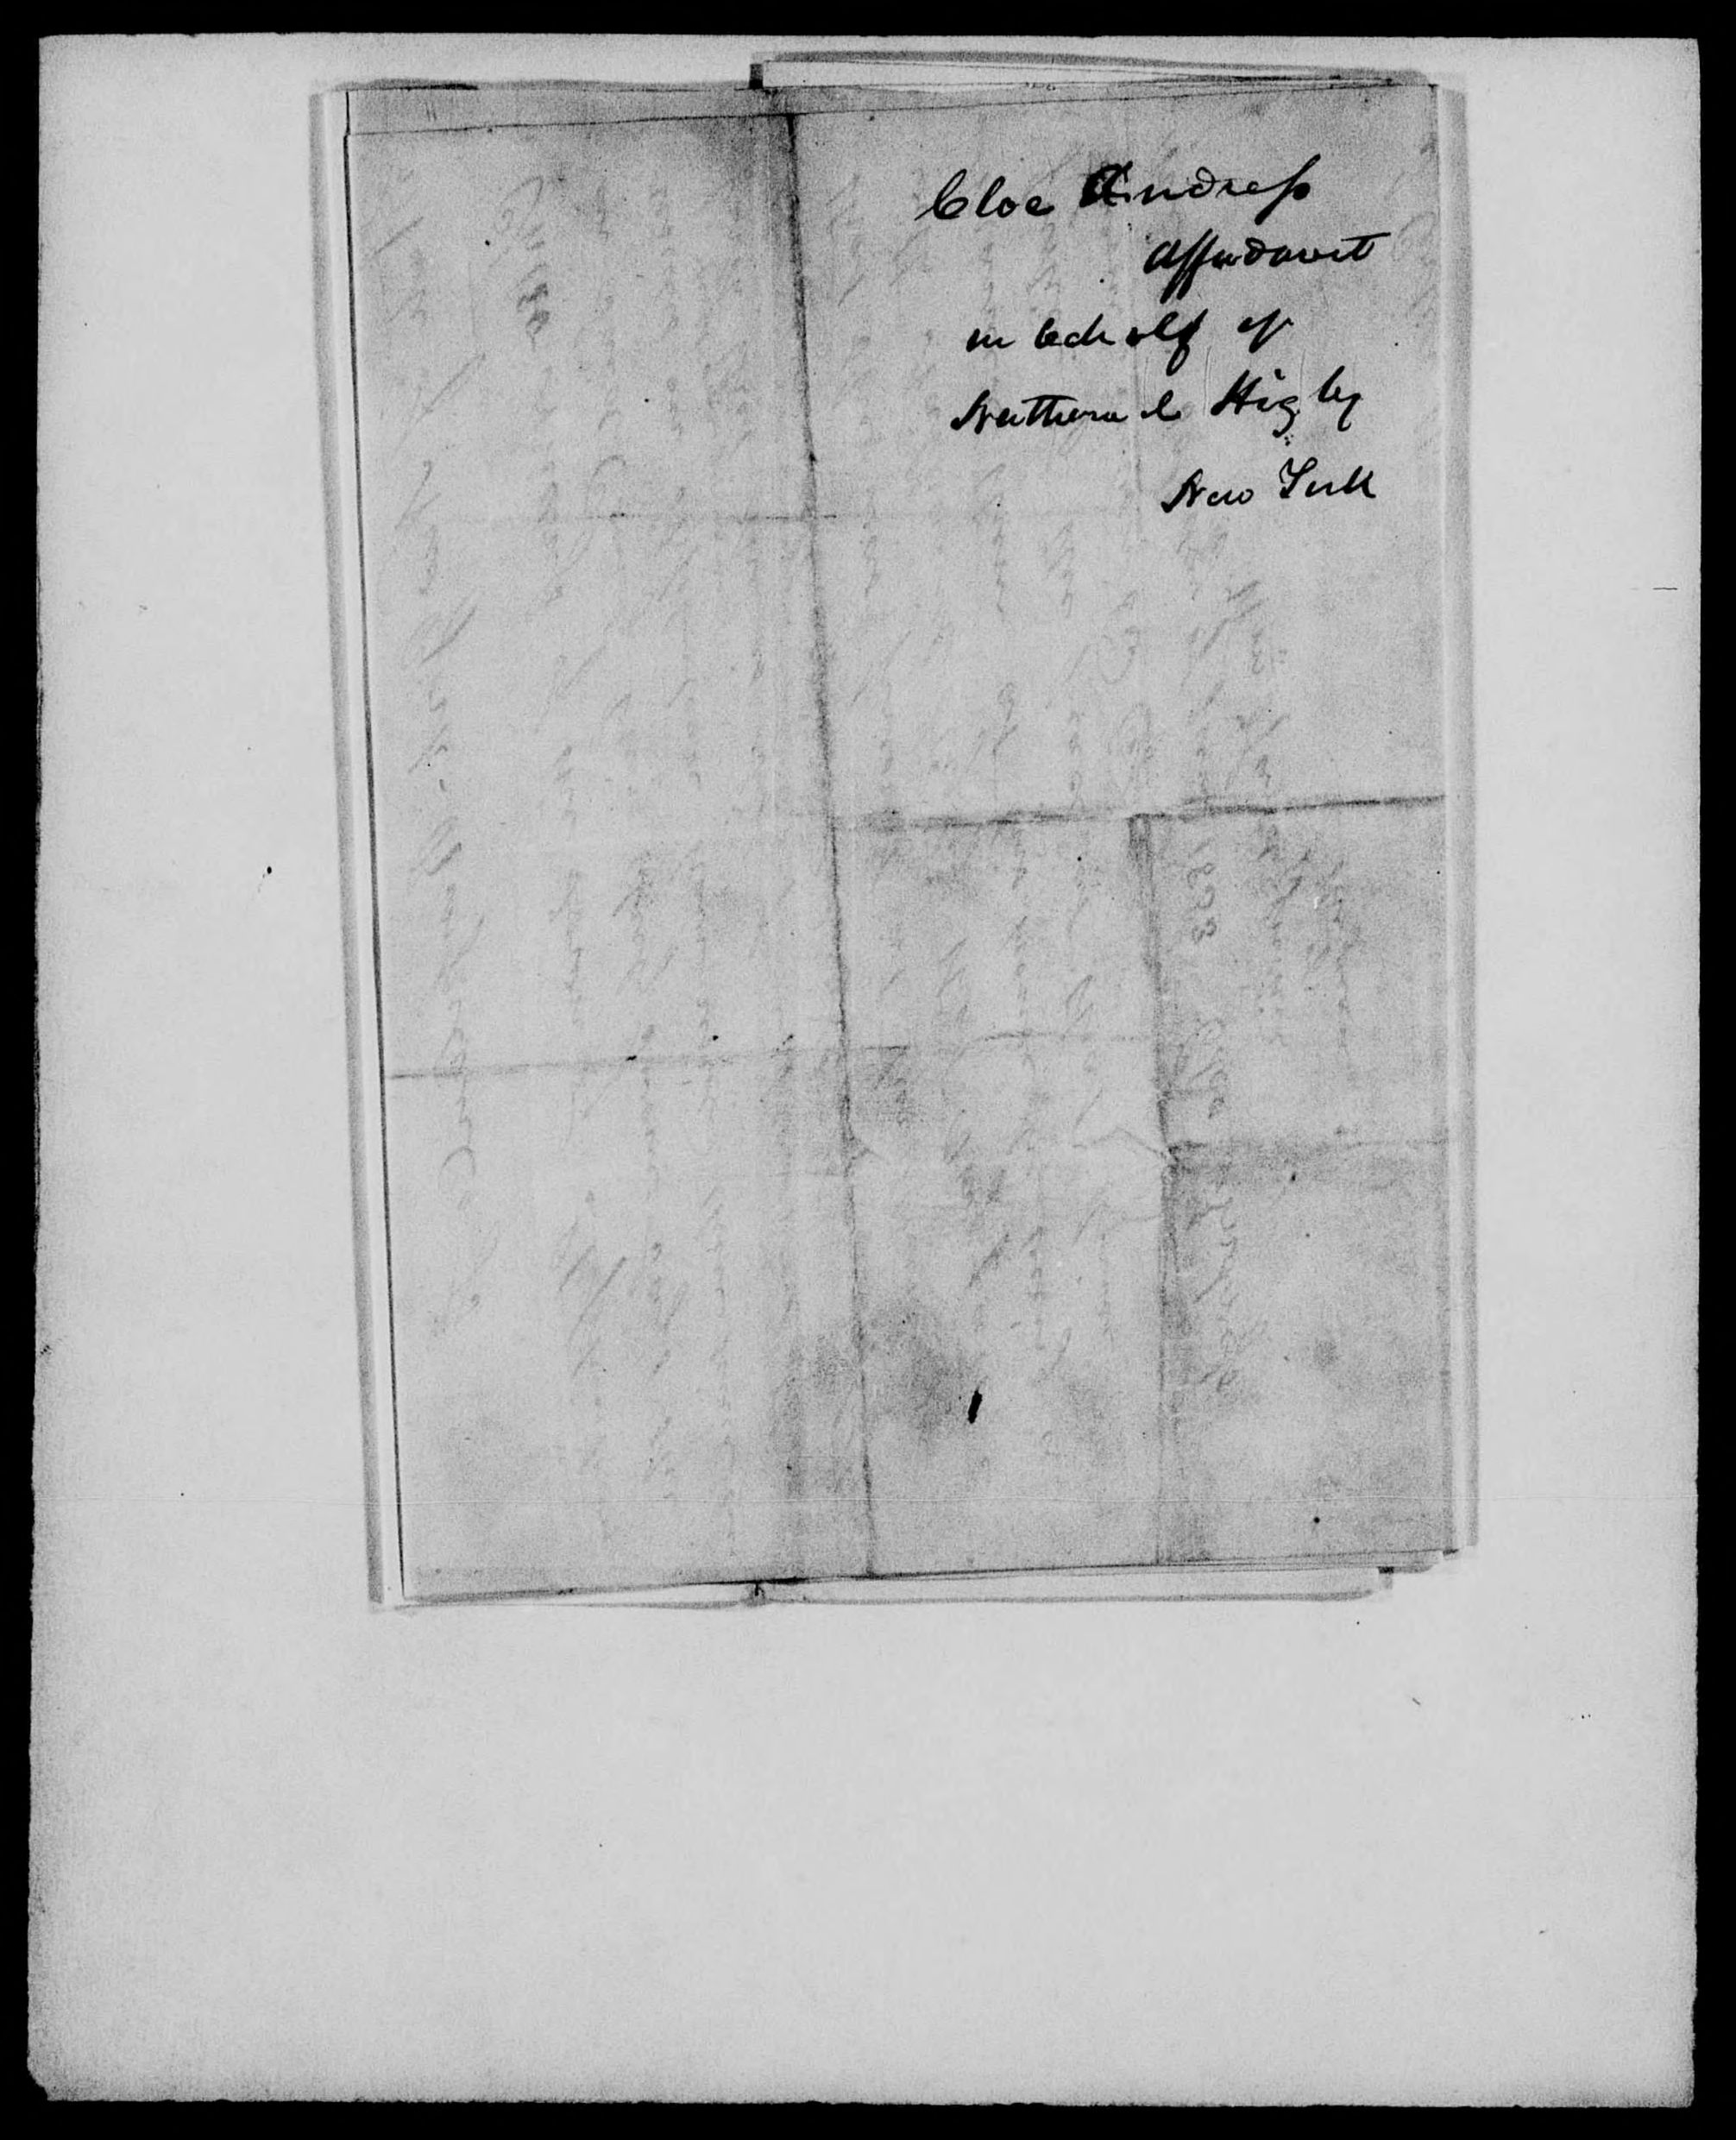Cloe Andress
Affidavit
on behalf of
Nathaniel Higby
New York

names: Cloe Andress, Nathaniel Higley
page: 8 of 25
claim: rejected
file: R. 4972, Nathaniel Higby, Conn.